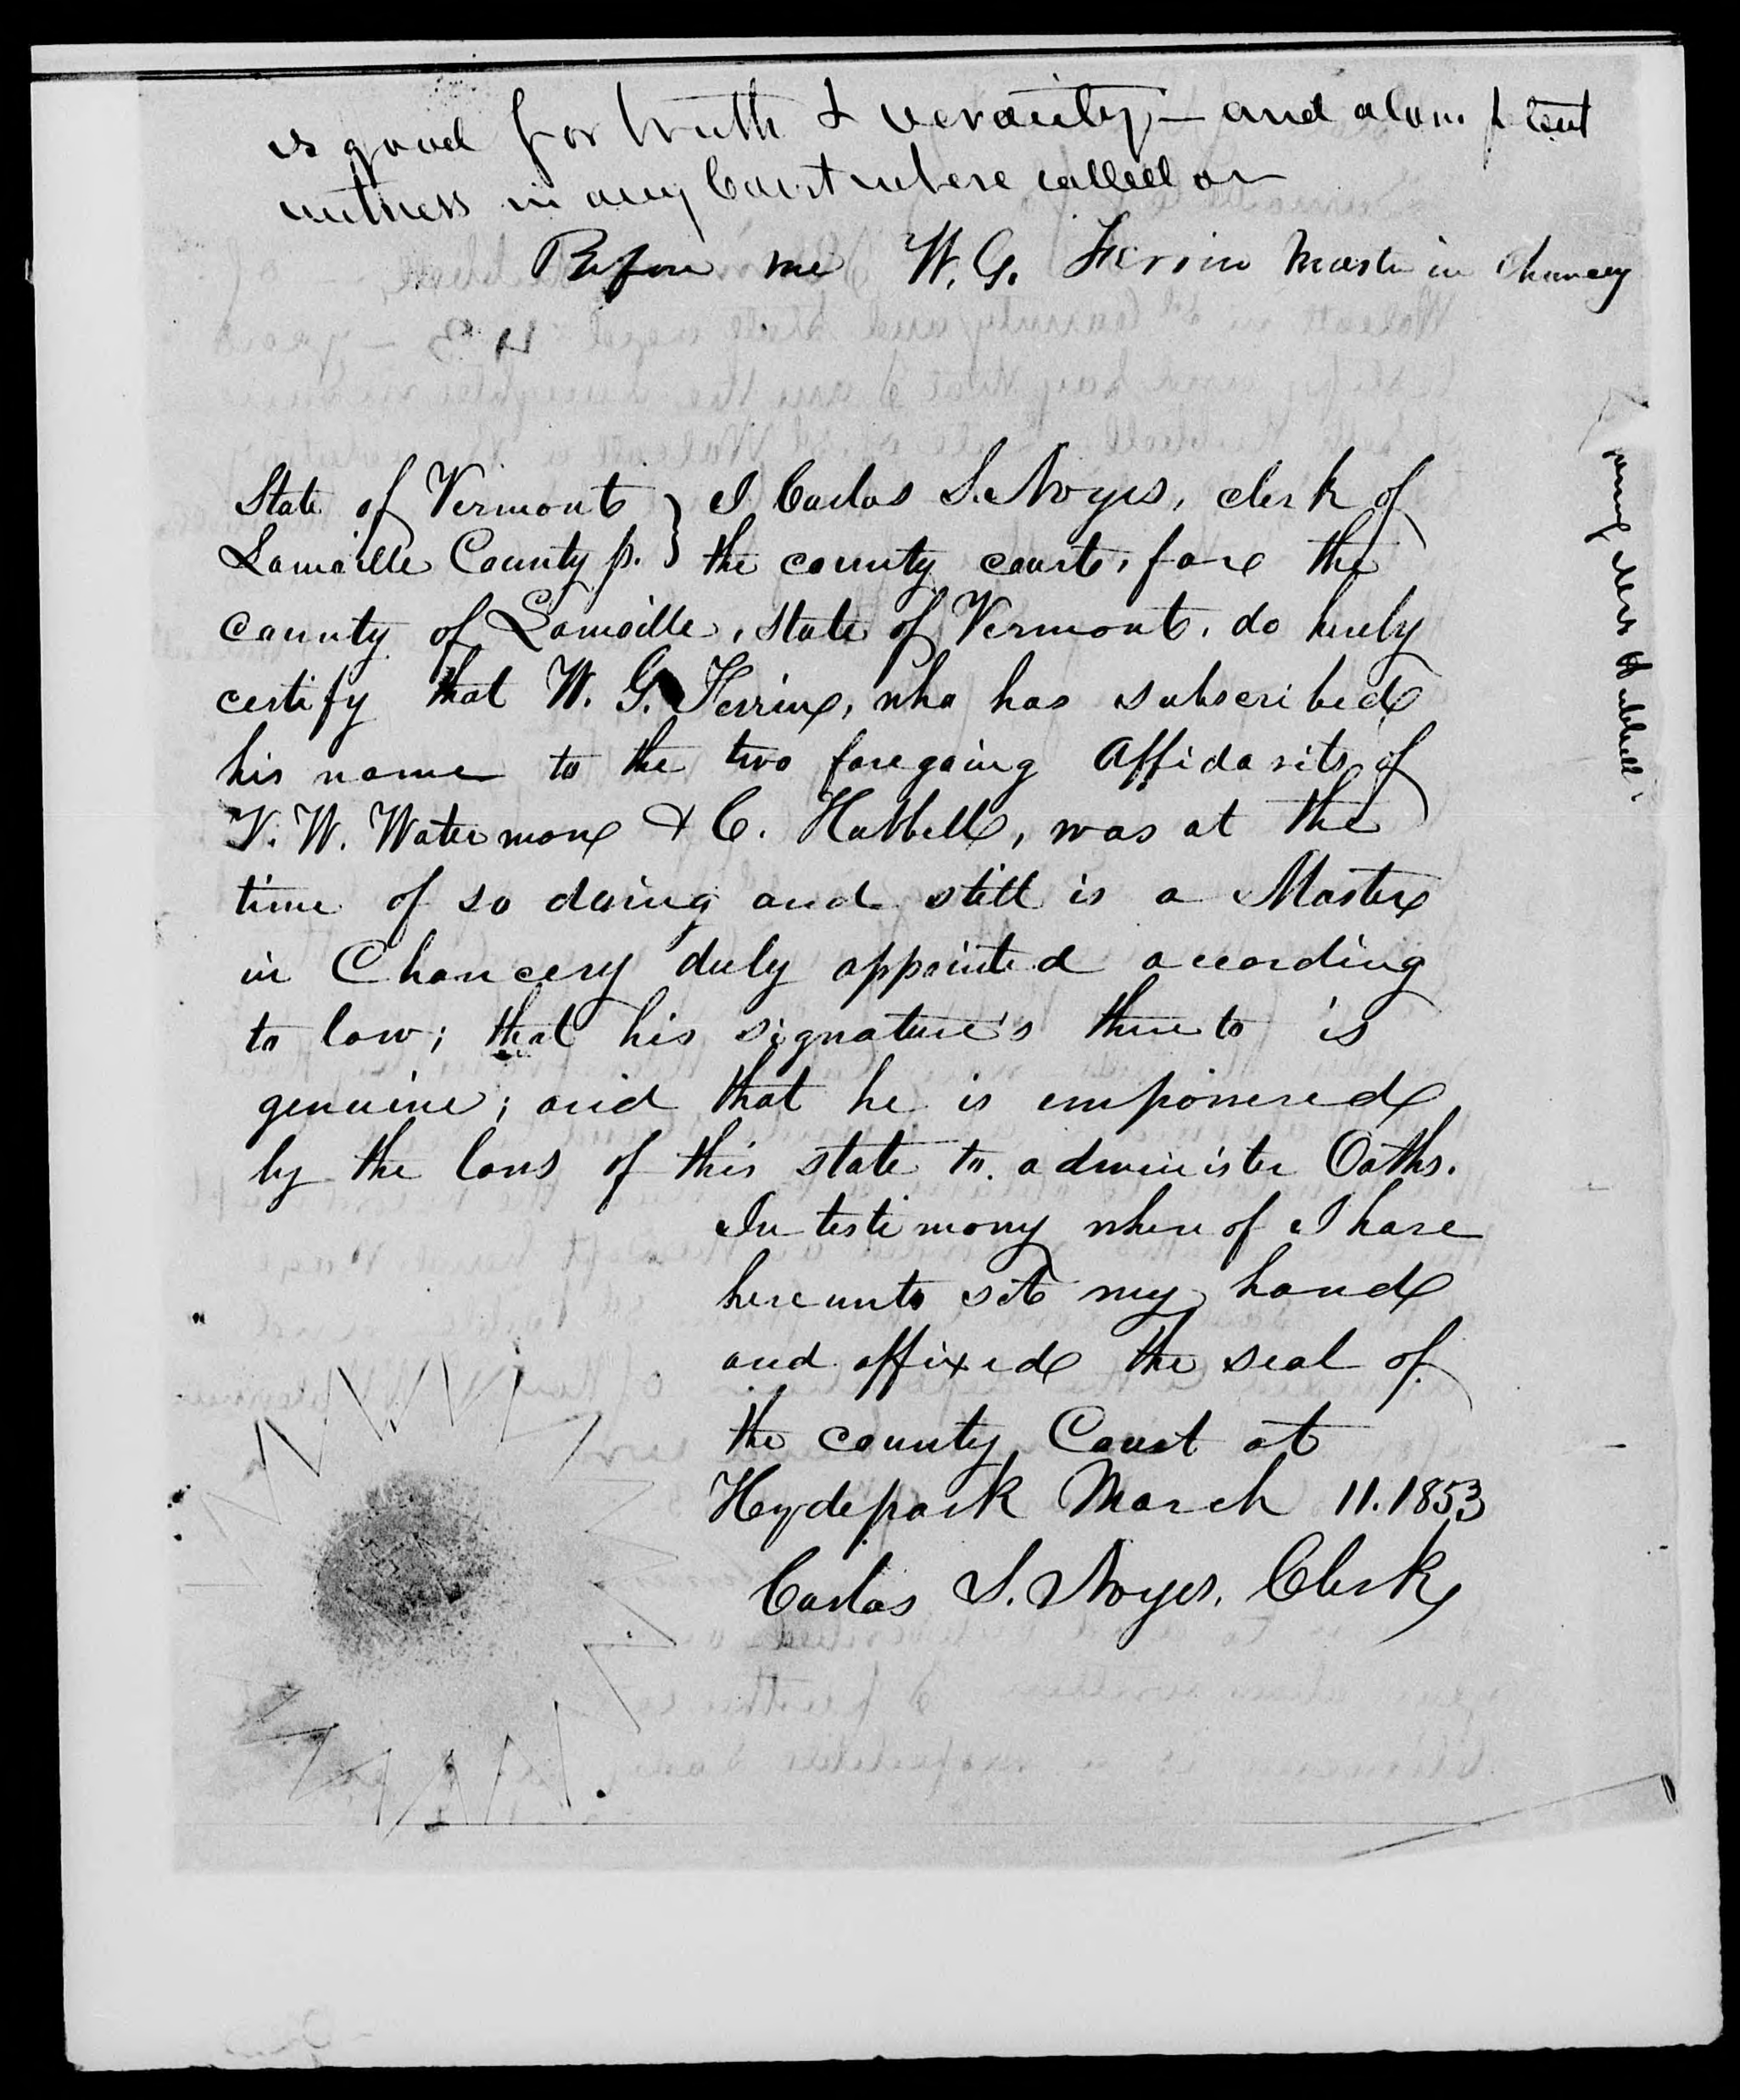is good for truth & veracity - and [illegible] [illegible] witness in any Court where called on
     Before me W.G. Ferrin Master in Chancery

State of Vermont    } I Carlos S. Noyes, clerk of
Lamoille County ss.} the county court for the county of Lamoille, state of Vermont, do hereby certify that W.G. Ferrin, who has subscribed his name to the two foregoing affidavits of V.W. Waterman & C. Hubbell, was at the time of so doing and still is a Master in Chancery duly appointed according to law; that his signature's there to is genuine ; and that he is empowered by the laws of this state to administer Oaths. In testimony whereof I have hereunto set my hand and affixed the seal of the county Court at Hyde park March 11. 1853
Carlos S. Noyes, Clerk
[seal at bottom left of page]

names: Carlos S Noyes, C Hubbell, V W Waterman, W G Ferrin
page: 23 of 114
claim: widow's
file: W. 2115, Seth Hubbell, Conn.